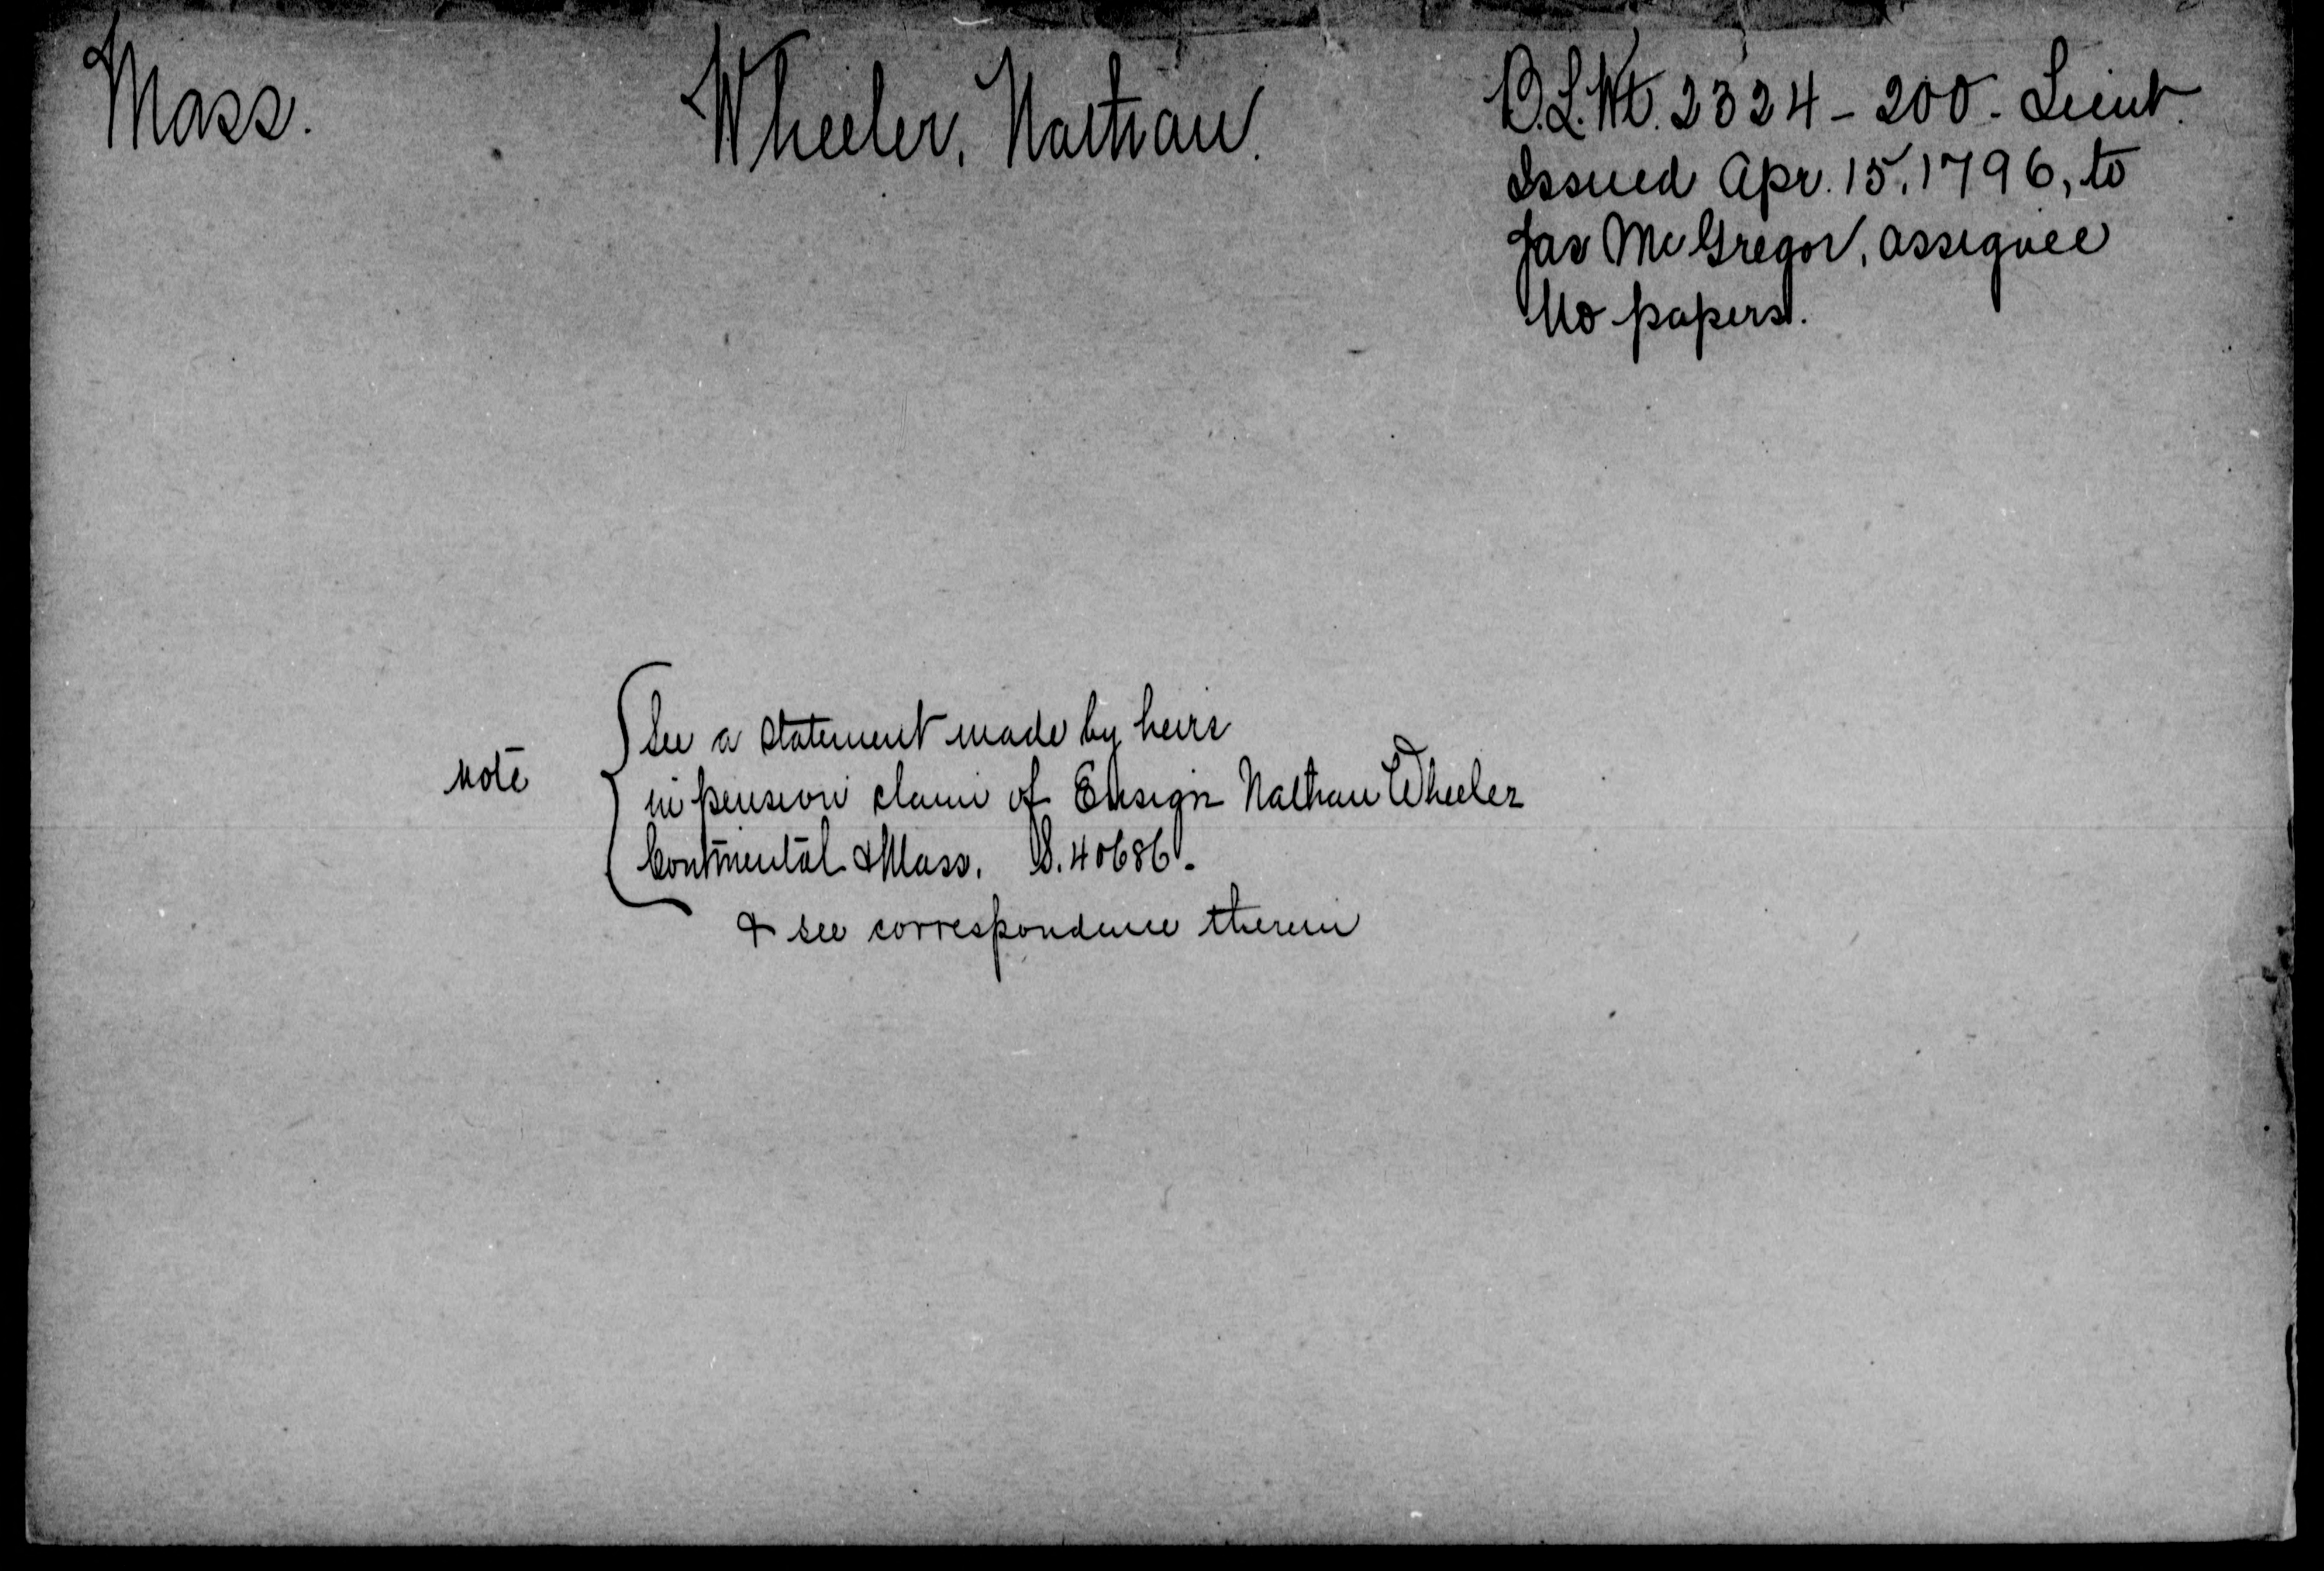Mass.   Wheeler, Nathan.   B. L. Wt. 2324 _ 200 Lieut 
                                            Issued Apr. 15, 1796, to Jas  
                                            McGregor, assignee
                                            No papers.

Note:
See a statement made by heirs
in pension claims by Ensign Nathan Wheeler
Continental & Mass.     S. 40686

& see correspondence therein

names: Jas Mc Gregor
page: 1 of 1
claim: bounty land warrant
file: B. L. Wt. 2324 - 200, Nathan Wheeler, Mass.